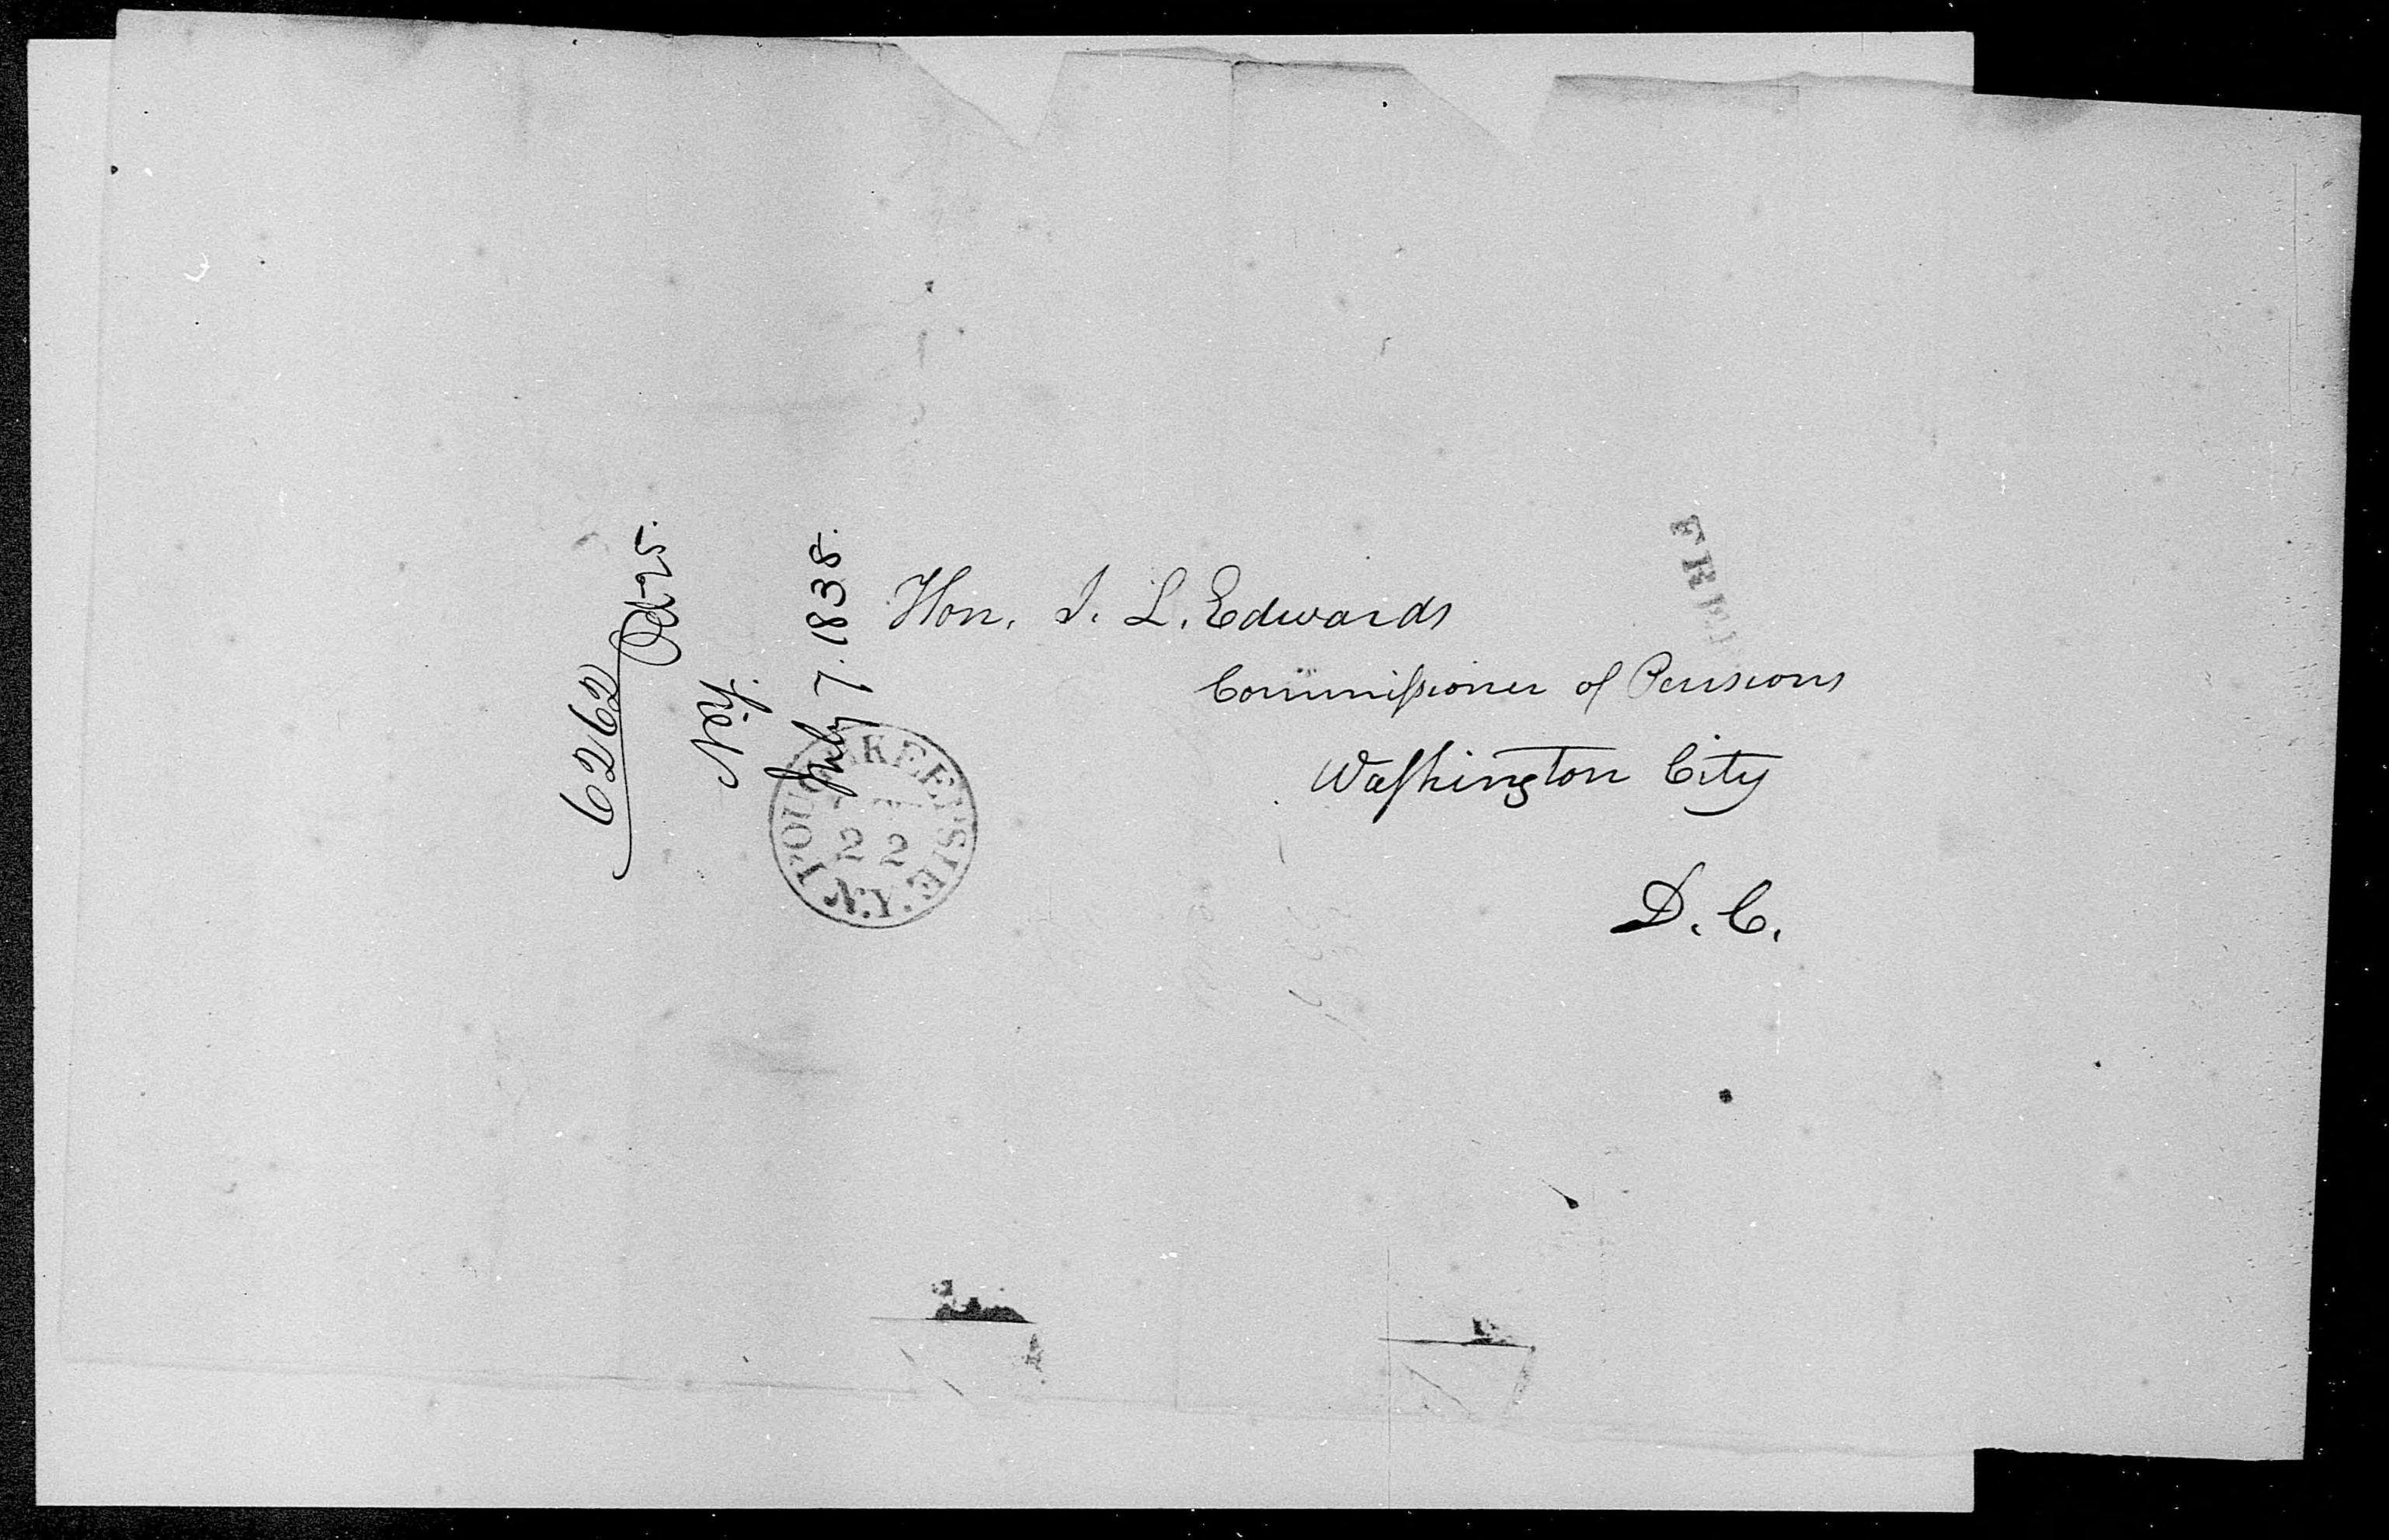Note:  Document appears to be an envelopt

Hon. J. L. Edwards         FREE
Commissioner of Pensions
Washington City D. C.


Written on end:
6262
Oct 25
N. Y.
July 7. 1838.

Round stamp partially faded:
POUGHKEEPSIE N. Y. 
22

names: J L Edwards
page: 12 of 29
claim: widow's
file: W. 17720, Arnold Dickens, New York